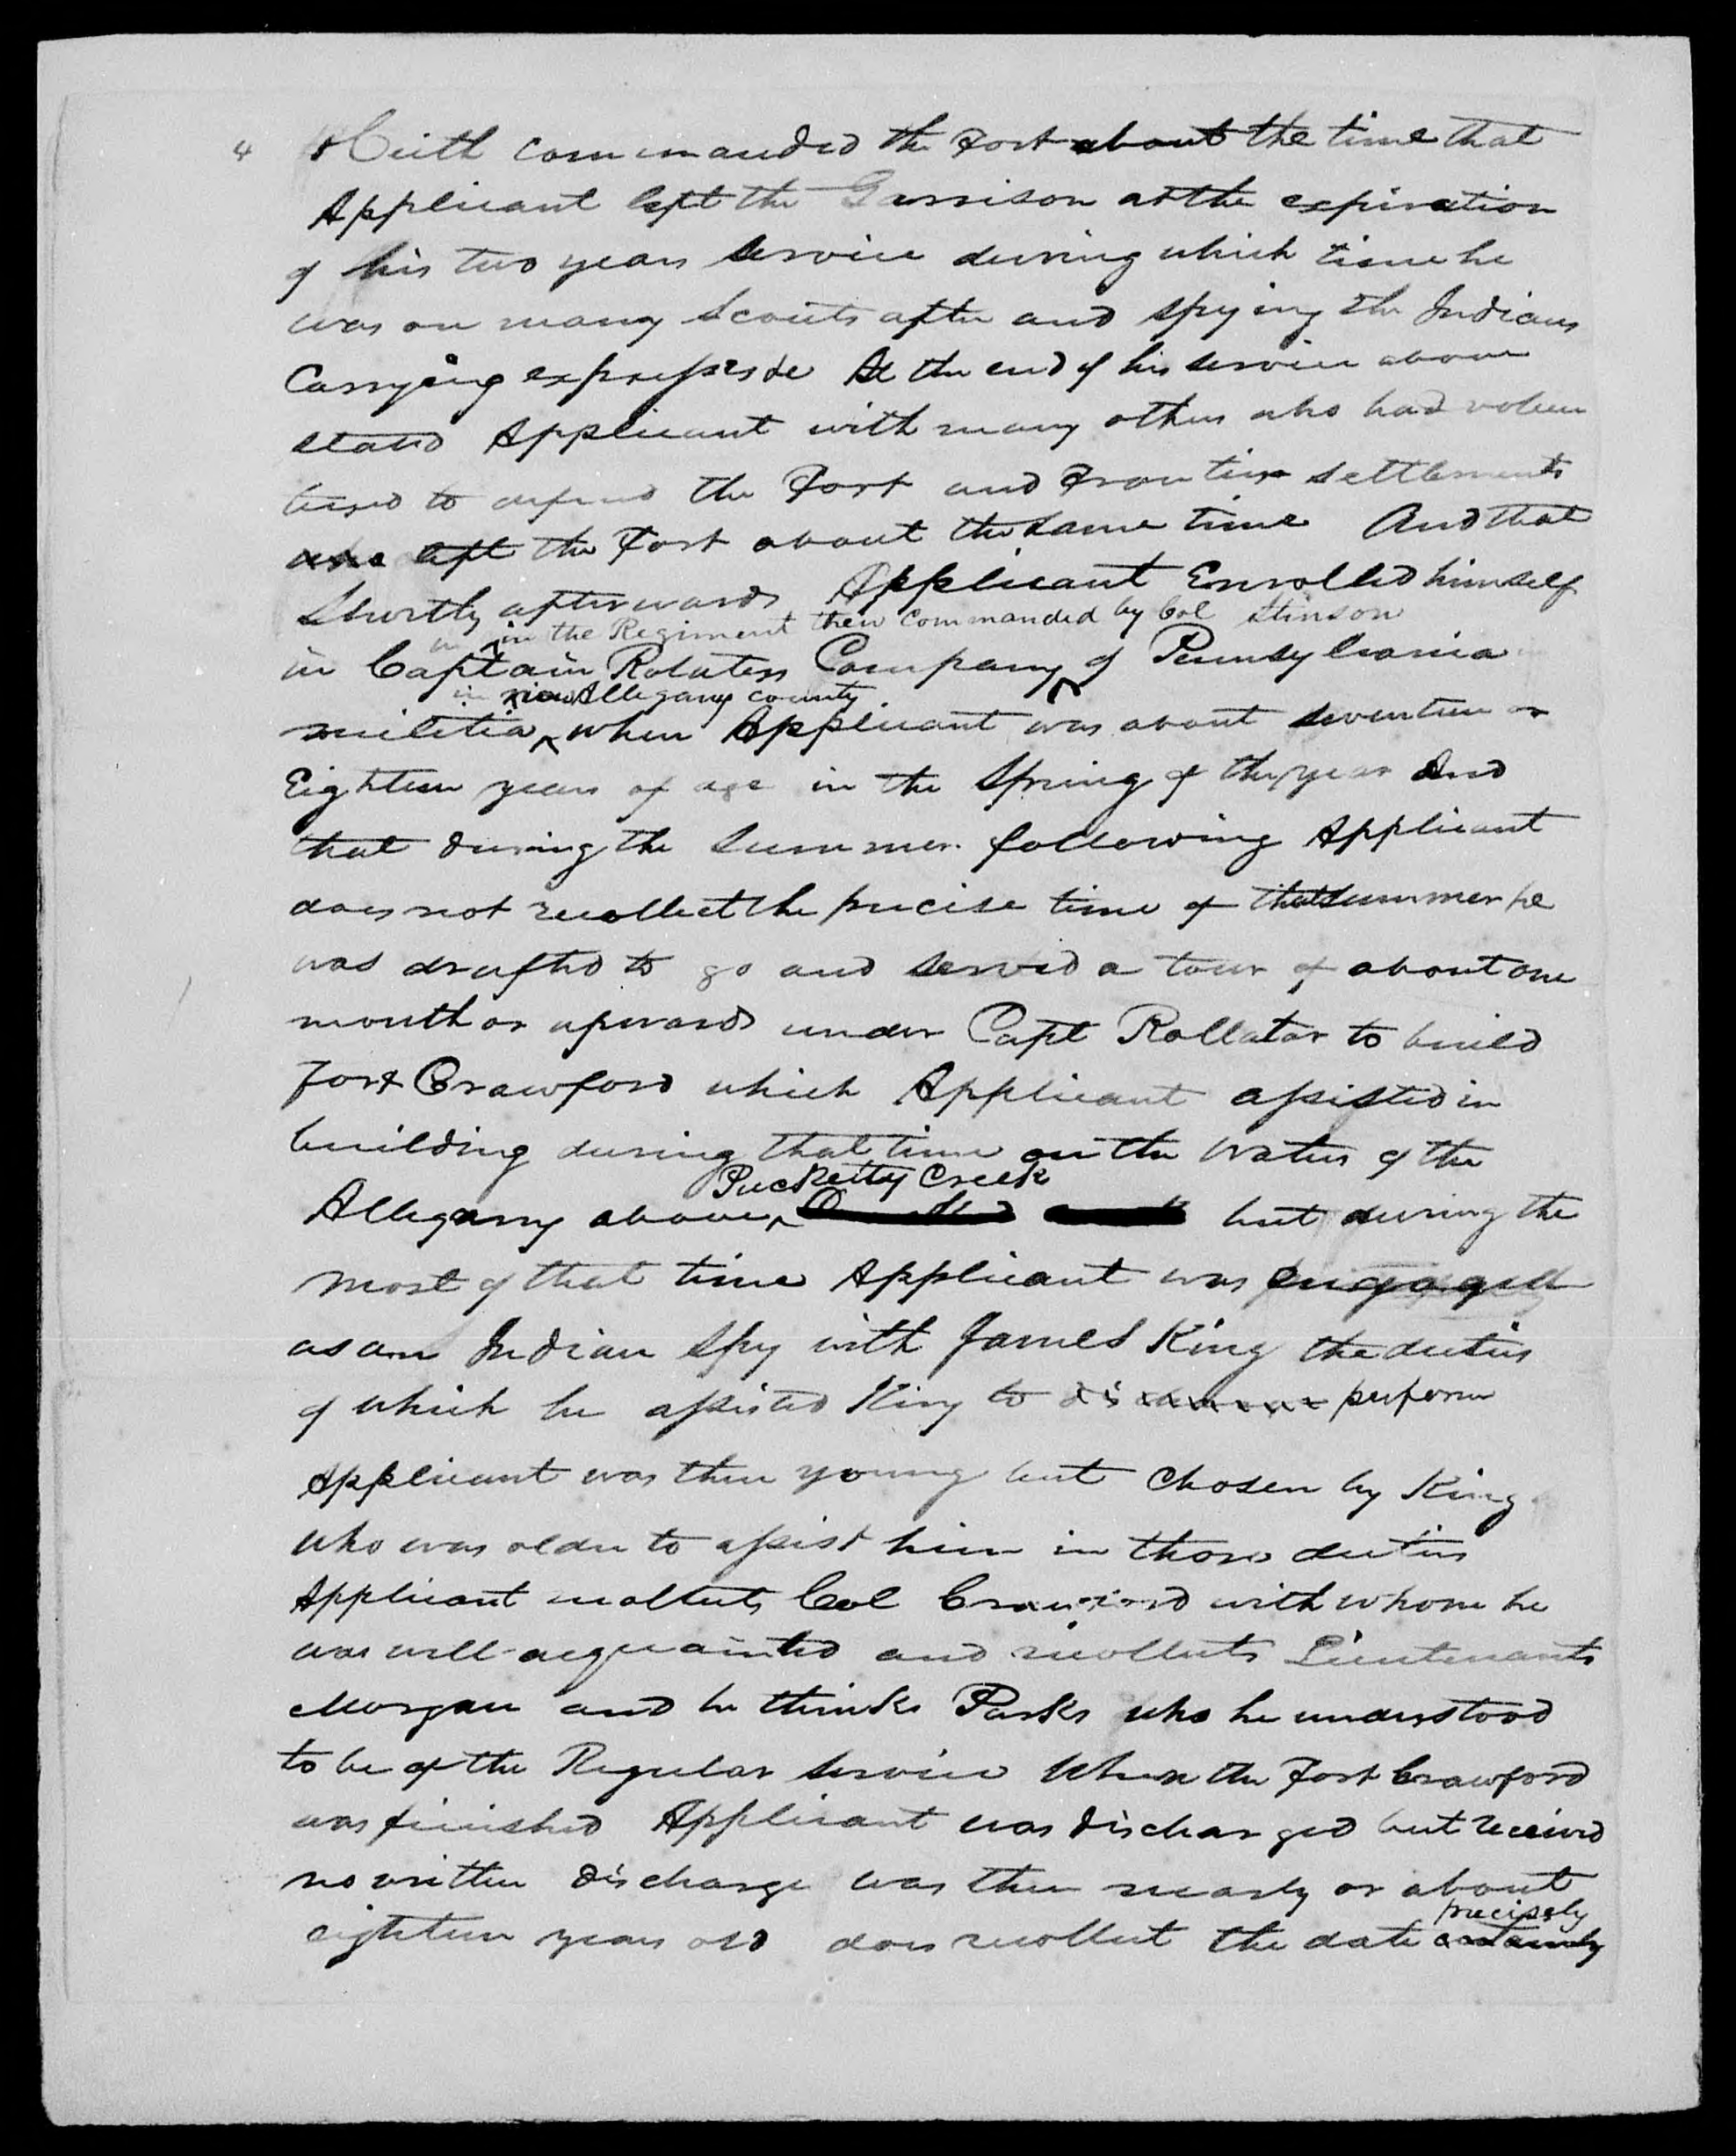4
Heith commanded the Fort about the time that Applicant left the Garrison at the expiration of his two years service during which time he was on many Scouts after and spying the Indians carrying expresses  At the end of his service above stated Applicant with many others who had volunteered to defend the Fort and Frontier settlements left the Fort about the same time  And that shortly afterwards Applicant Enrolled himself in Captain Rolaters Company in the Regiment then commanded by Col Stinson of Pennsylvania militia in Allegany county when Applicant was about seventeen or Eighteen years of age in the Spring of the year and that during the summer following Applicant does not recollect the precise time of that summer he was drafted to go and served a tour of about one month or upwards under Capt Rollator to build fort Crawford which Applicant assisted in building during that time on the waters of the Allegany above Pucketty Creek but during the most of that time Applicant was engaged as an Indian spy with James King the duties of which he assisted King to perform  Applicant was then young but chosen by King who was older to assist him in those duties. Applicant recollects Col Crawford with whom he was well acquainted and recollects Lieutenants Morgan and he thinks Parks who he understood to be of the Regular Service  When the Fort Crawford was finished Applicant was discharged but received no written discharge was then nearly or about eighteen years old does recollect the date precisely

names: Morgan, Heith, Stinson, King, James King, Crawford, Rollator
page: 7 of 36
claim: survivor's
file: S. 31,718, James Guffey, Penn.